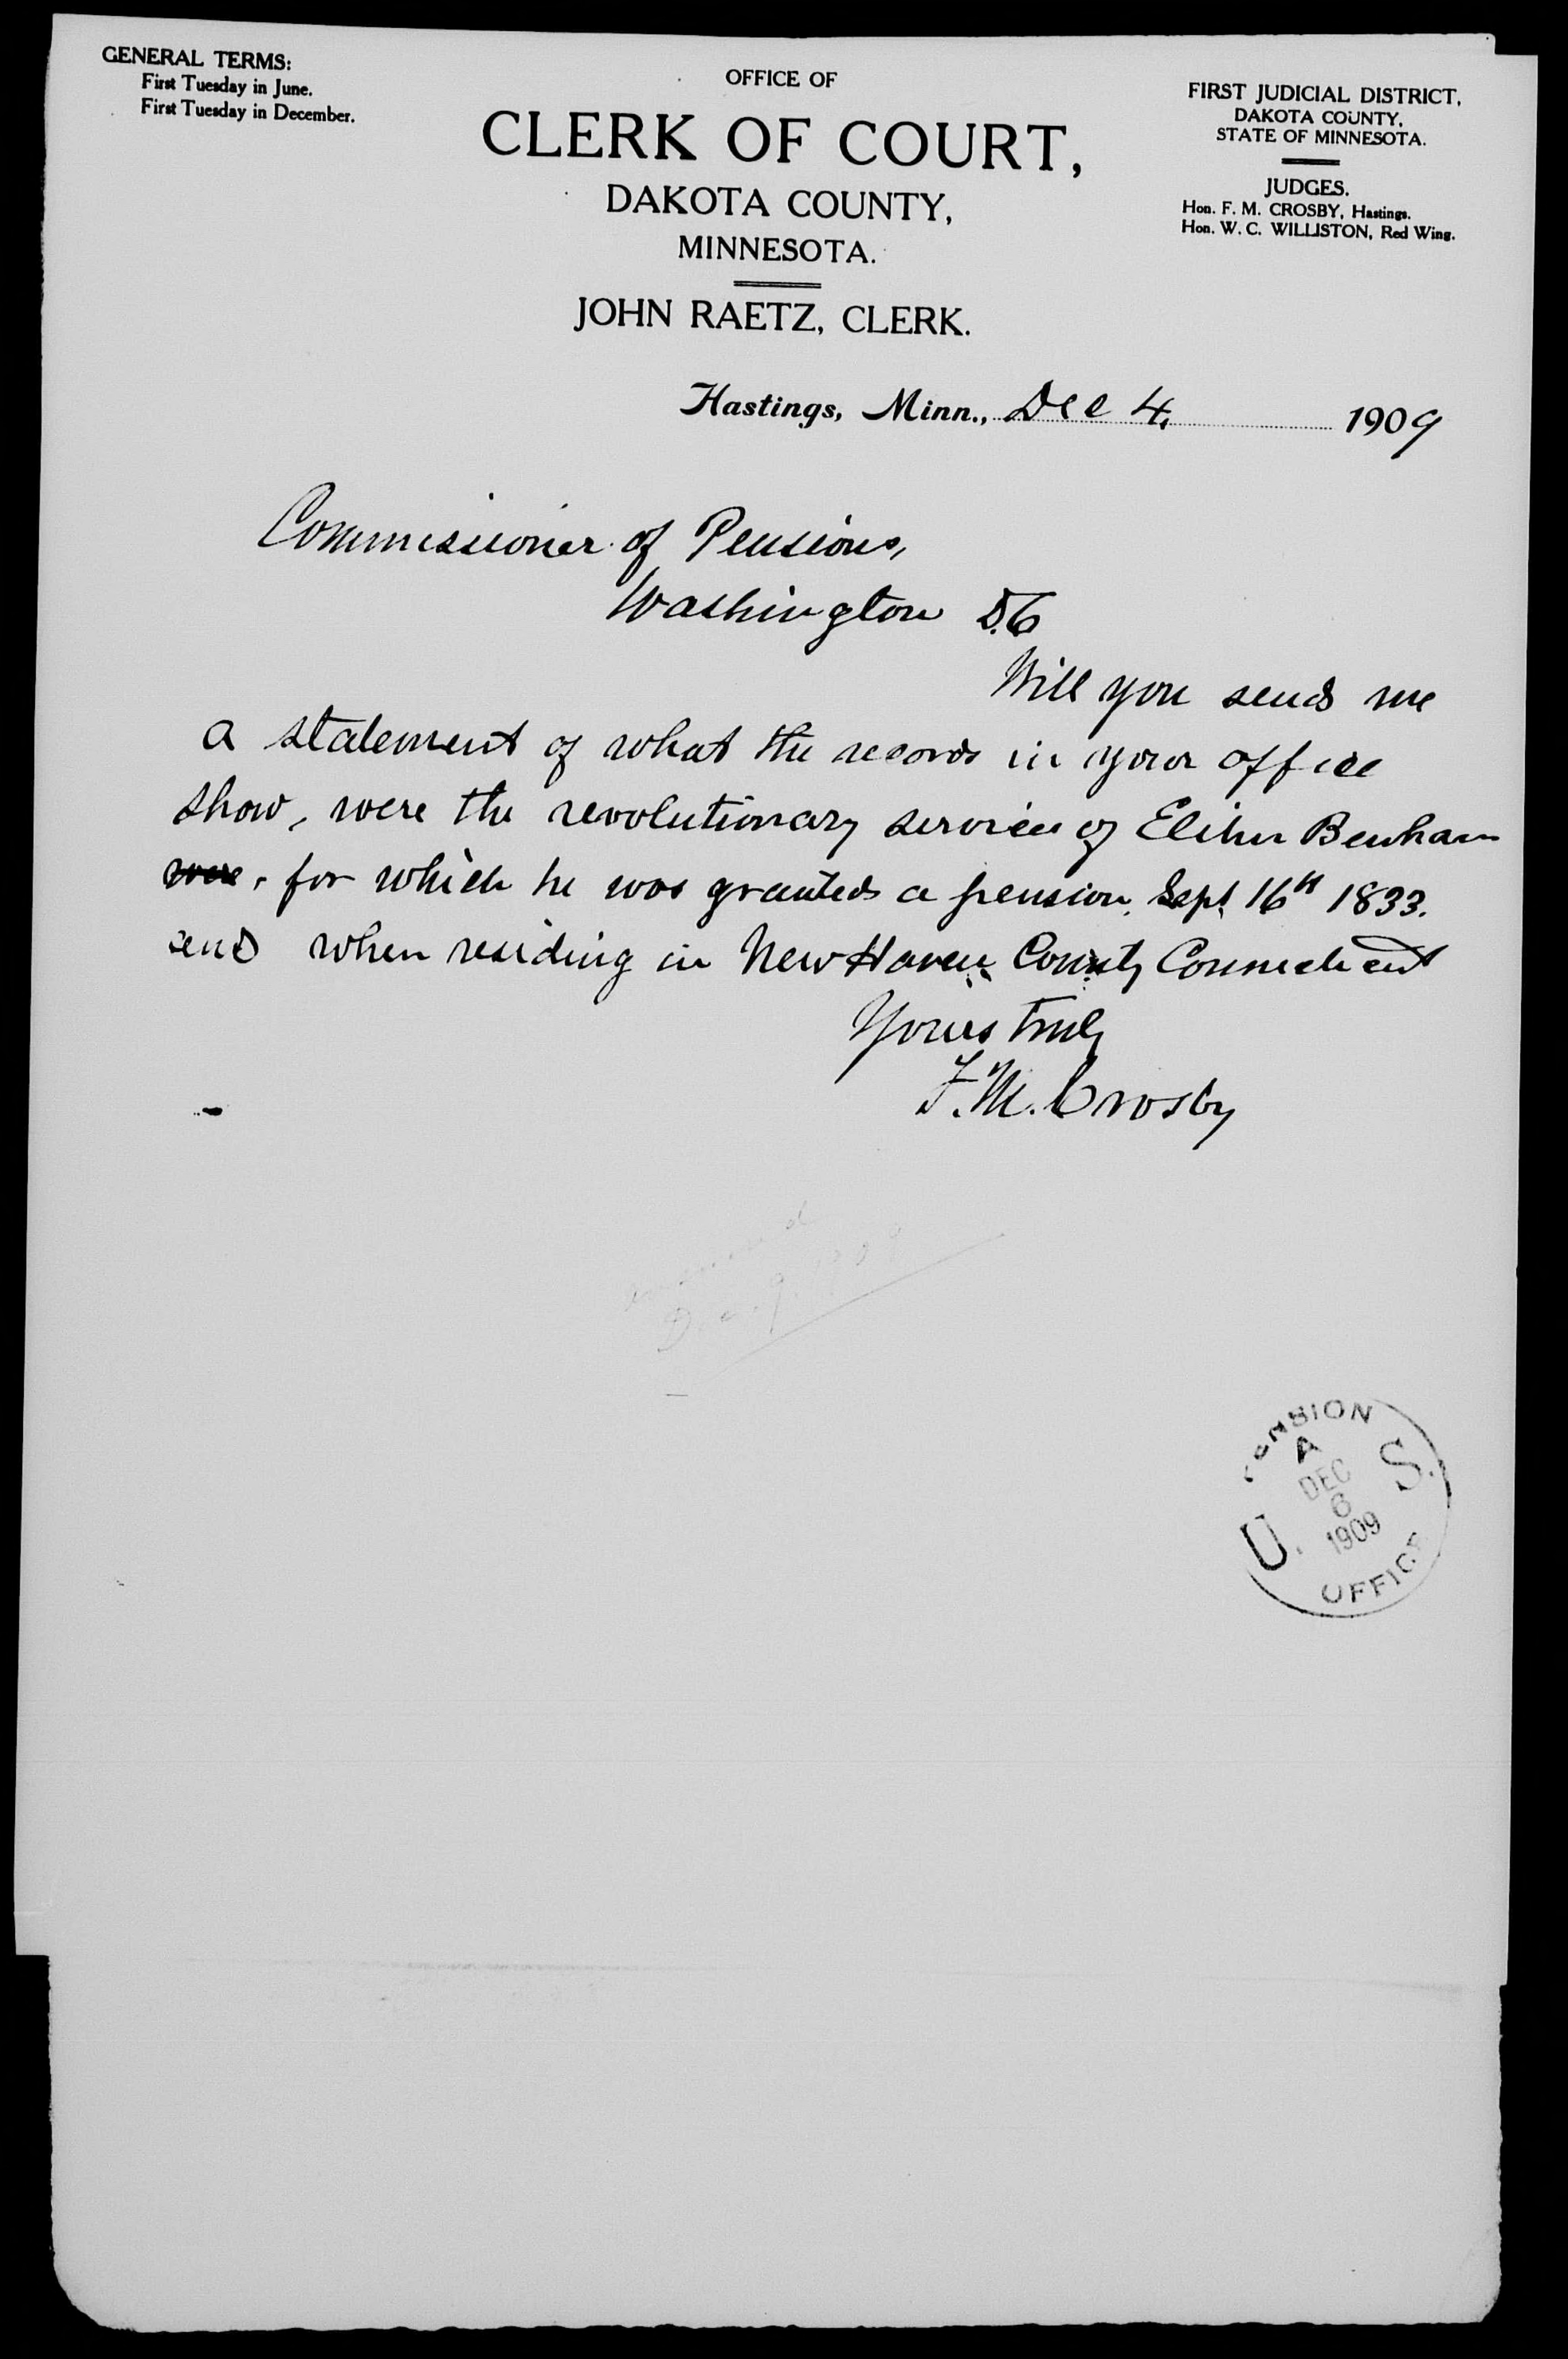GENERAL TERMS: First Tuesday in June. First Tuesday in December. OFFICE OF CLERK OF COURT. DAKOTA COUNTY. MINNESOTA. JOHN RAETZ, CLERK. FIRST JUDICIAL DISTRICT. DAKOTA COUNTY. STATE OF MINNESOTA. JUDGES. Hon. F. M. CROSBY, Hastings. Hon. W. C. WILLISTON, Red Wing. 
Hastings, Minn. Dec 4, 1909
Commissioner of Pensions Washington D.C. 
Will you send me a statement of what the records in your office show, were the revolutionary service of Elihu Benham for which he was granted a pension, Sept 16th 1833 and when residing in New Haven County Connecticut 
Yours truly F. M. Crosby 

[U.S. Pension Office stamp DEC 6 1909]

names: F M Crosby, Elihu Benham, F M Crosby, W C Williston, John Raetz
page: 25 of 45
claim: survivor's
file: S. 15748, Elihu Benham, Conn.